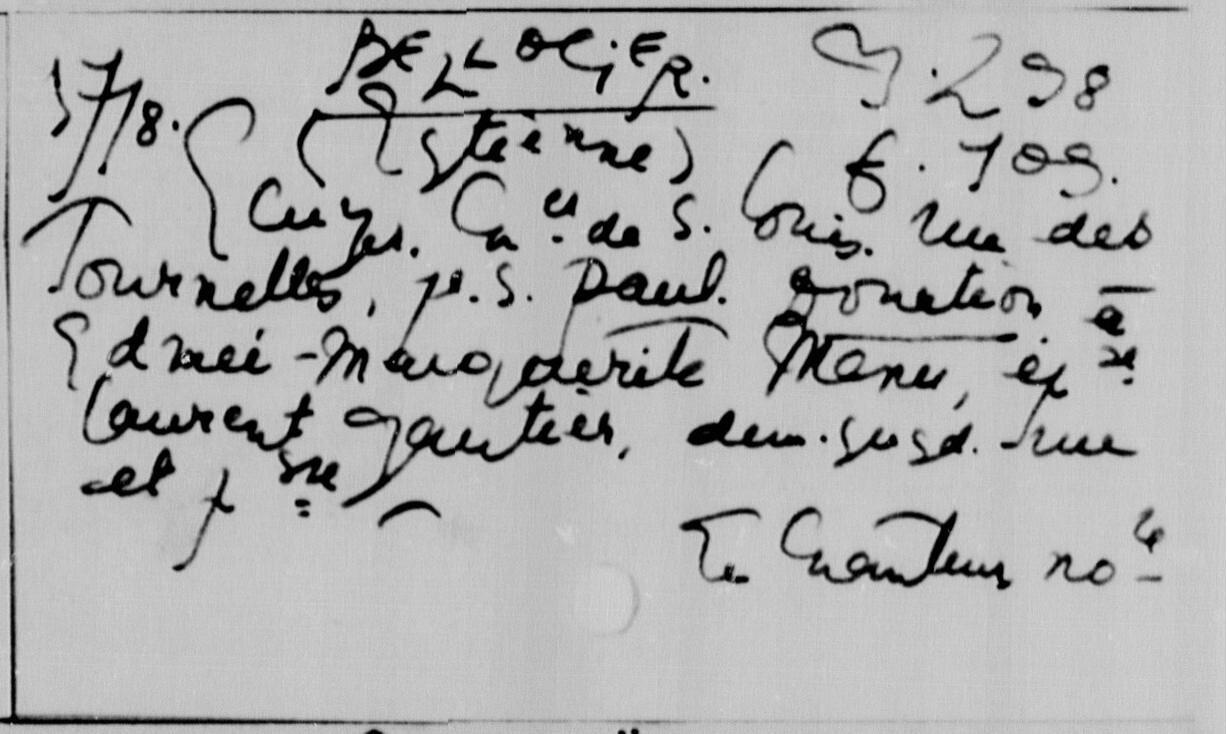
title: BELLOCIER (Estienne)
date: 1718
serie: Y
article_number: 298
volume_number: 109
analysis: Écuyer, chevalier de Saint-Louis, rue des Tournelles, paroisse Saint-Paul. Donation à Edmée-Marguerite MENU, épouse Laurent GAUTIER, demeurant susdites rue et paroisse. Le Chanteur notaire.
